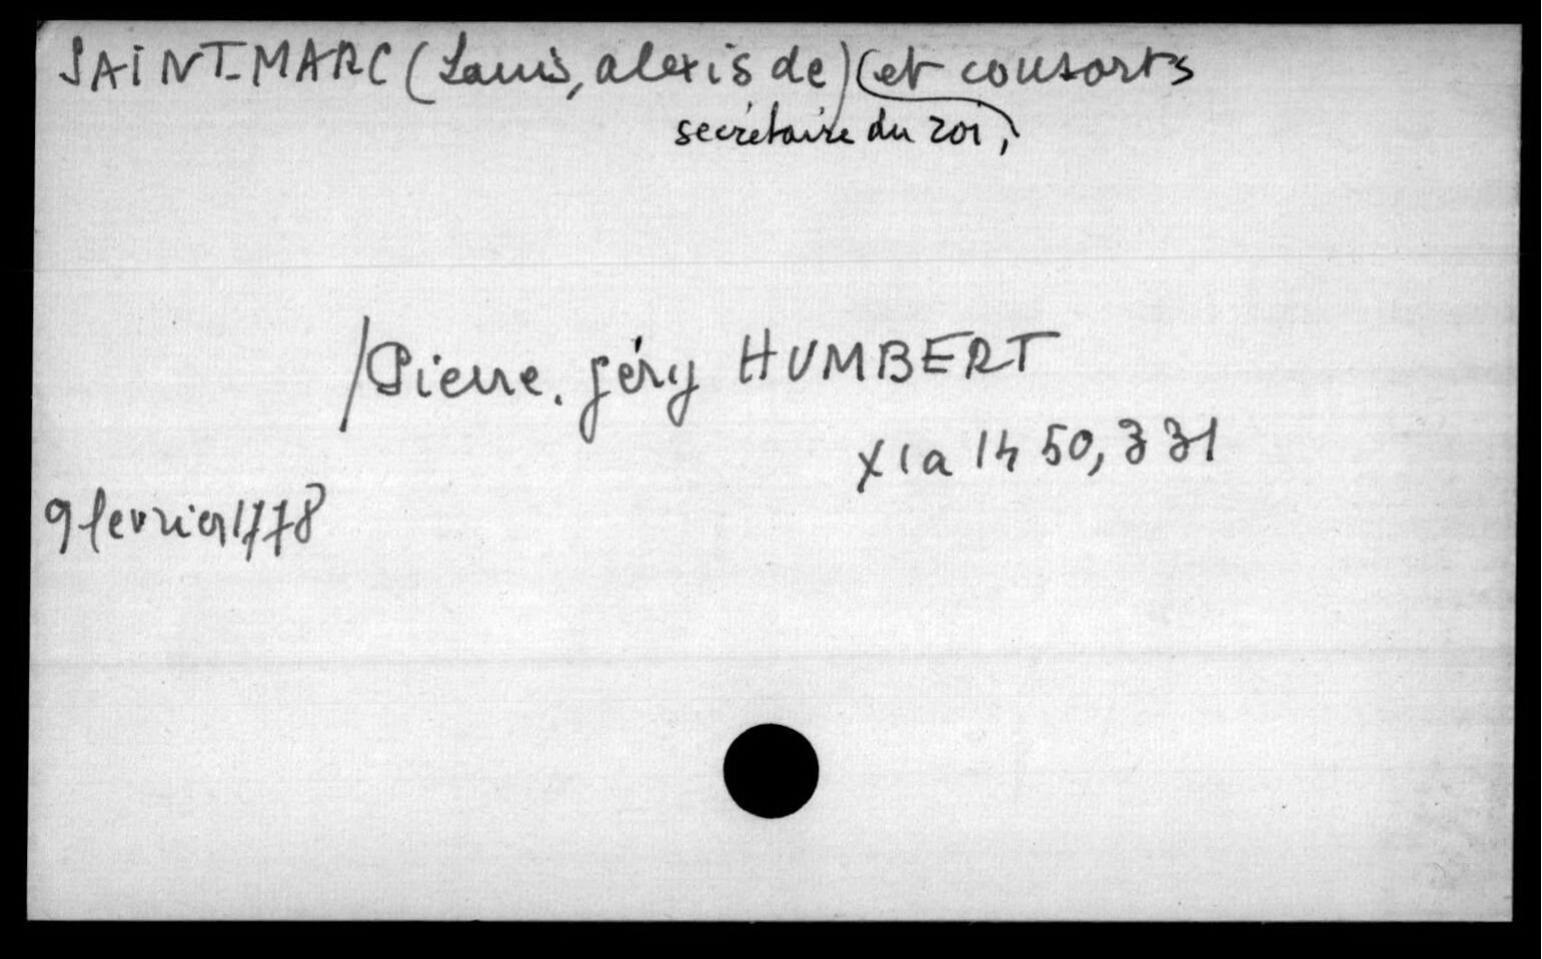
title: SAINT-MARC (Louis, Alexis de) secrétaire du roi, et consorts
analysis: Contre Pierre-géry HUMBERT
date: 9 février 1778
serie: X1a
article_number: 1450
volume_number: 331
